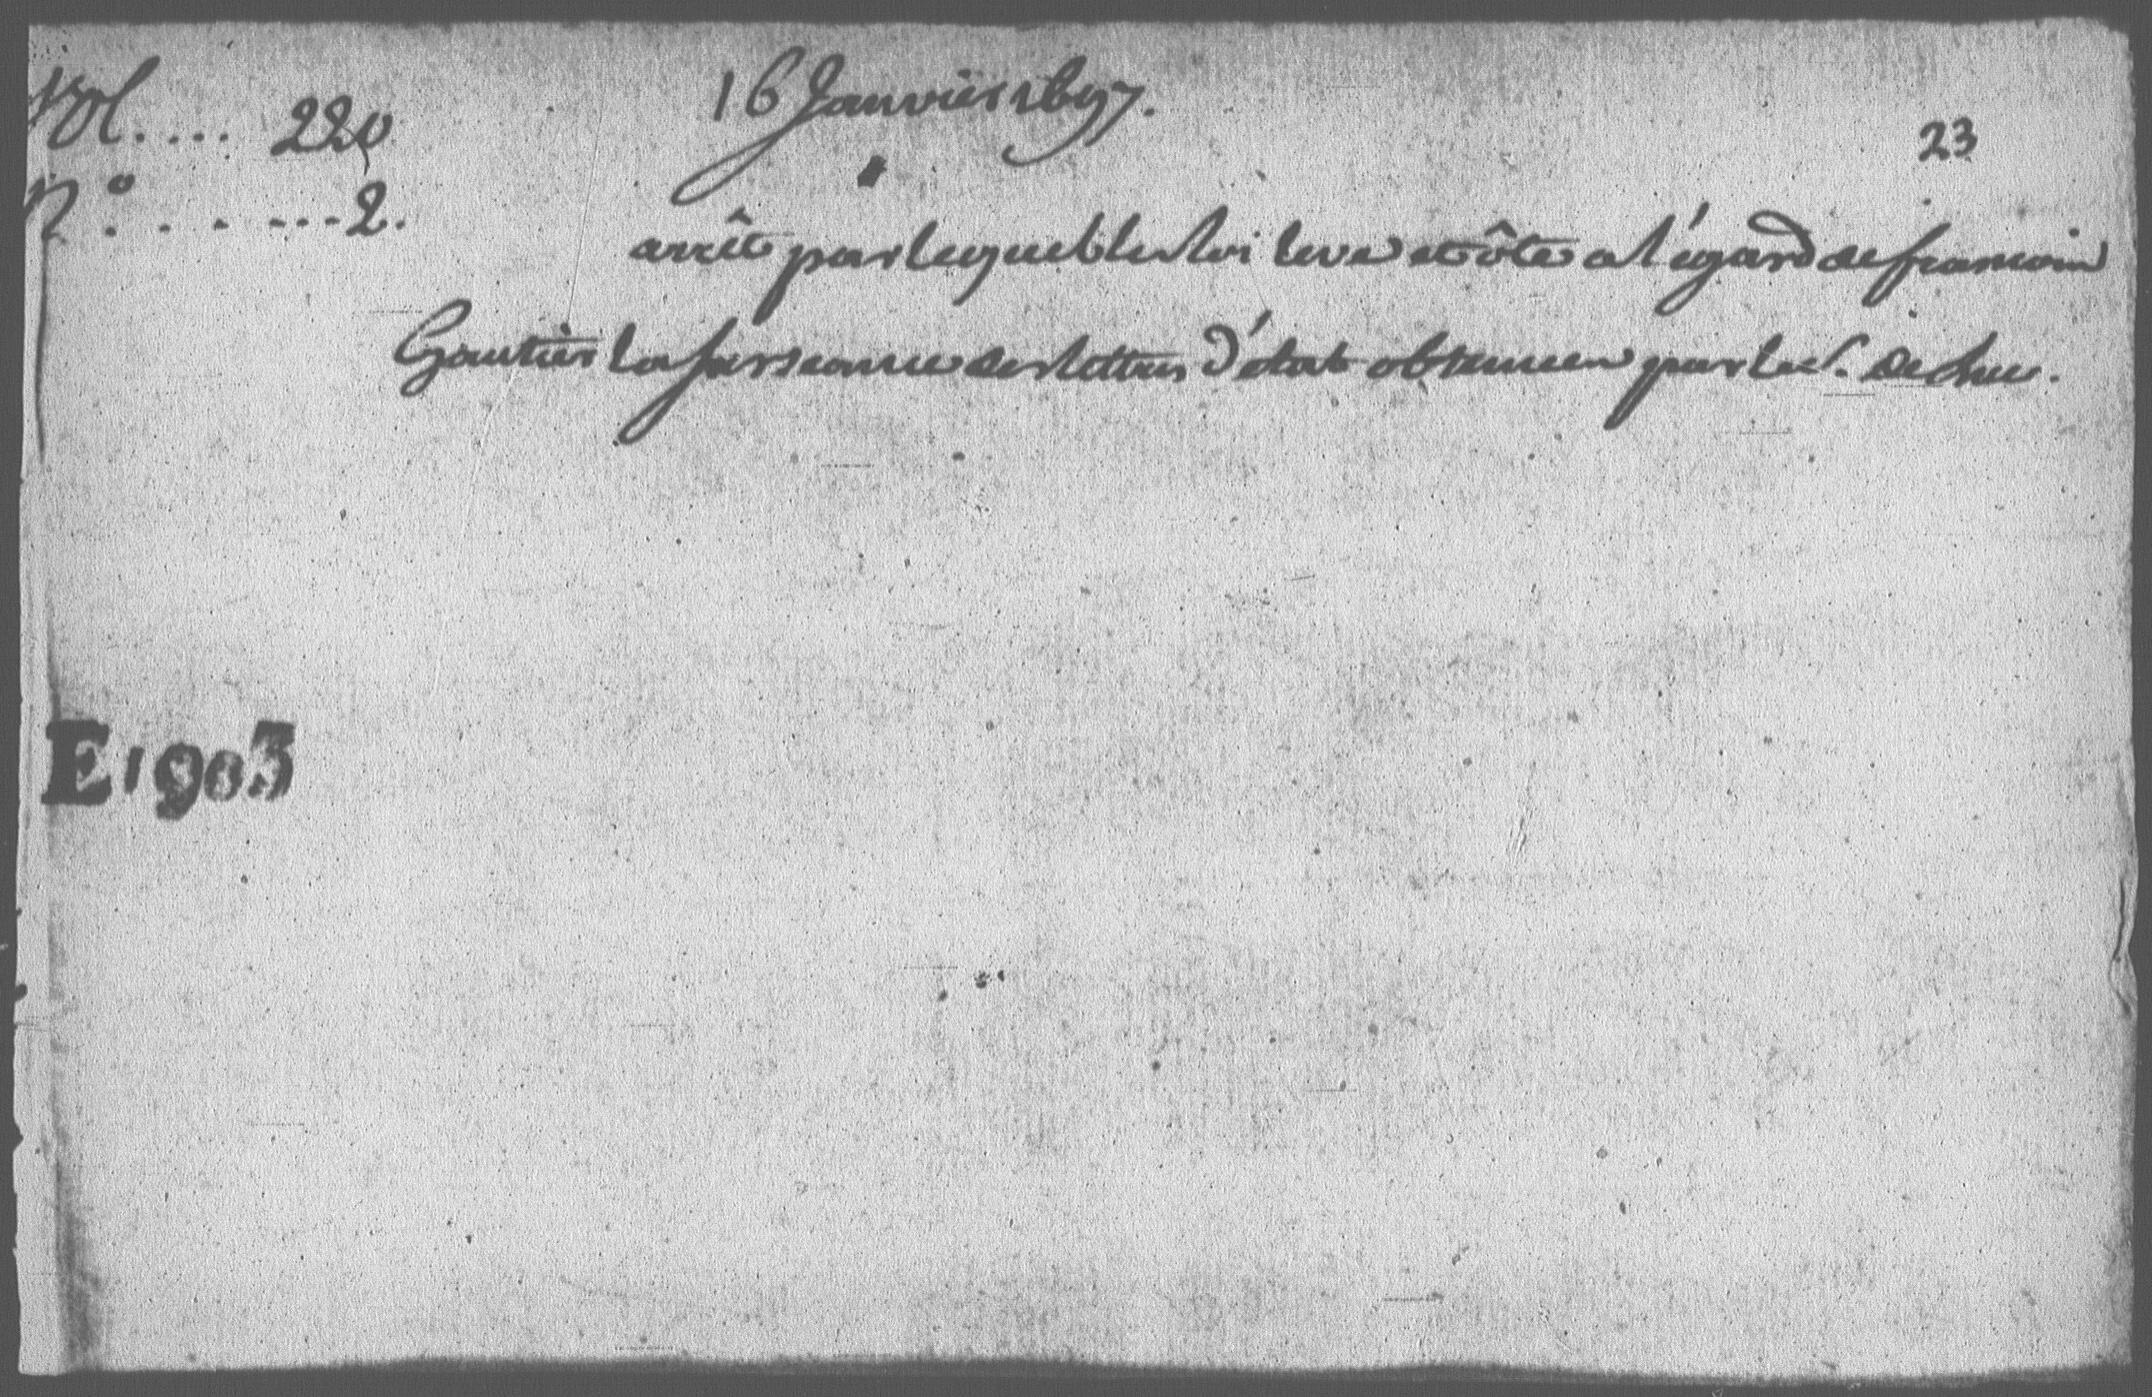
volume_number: n°2
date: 16/01/1697
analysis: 23
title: arrêt par lequel le Roi leve et ôte a l'égard de francois Gautier la surseance des lettres d'etat obtenues par le S. de Luc
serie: E
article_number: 1903
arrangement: vol. 220
